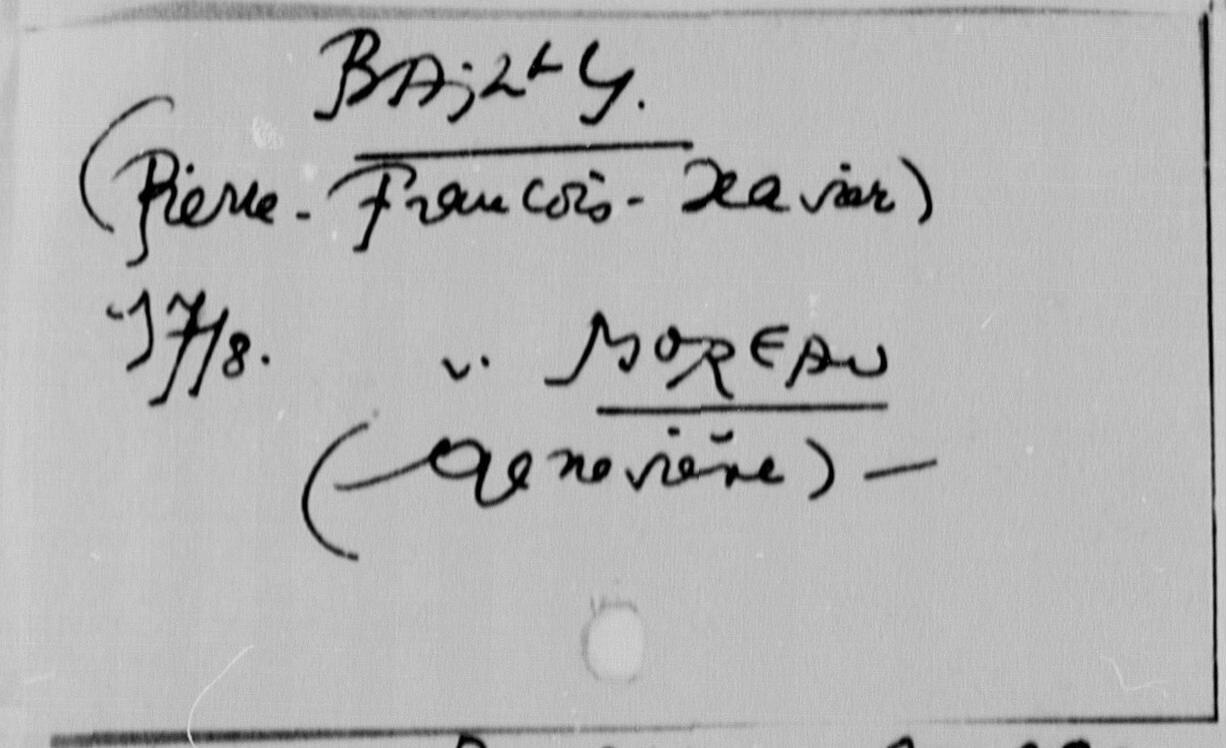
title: BAILLY (Pierre-François-Xavier)
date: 1718
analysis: Voir MOREAU (Geneviève)
